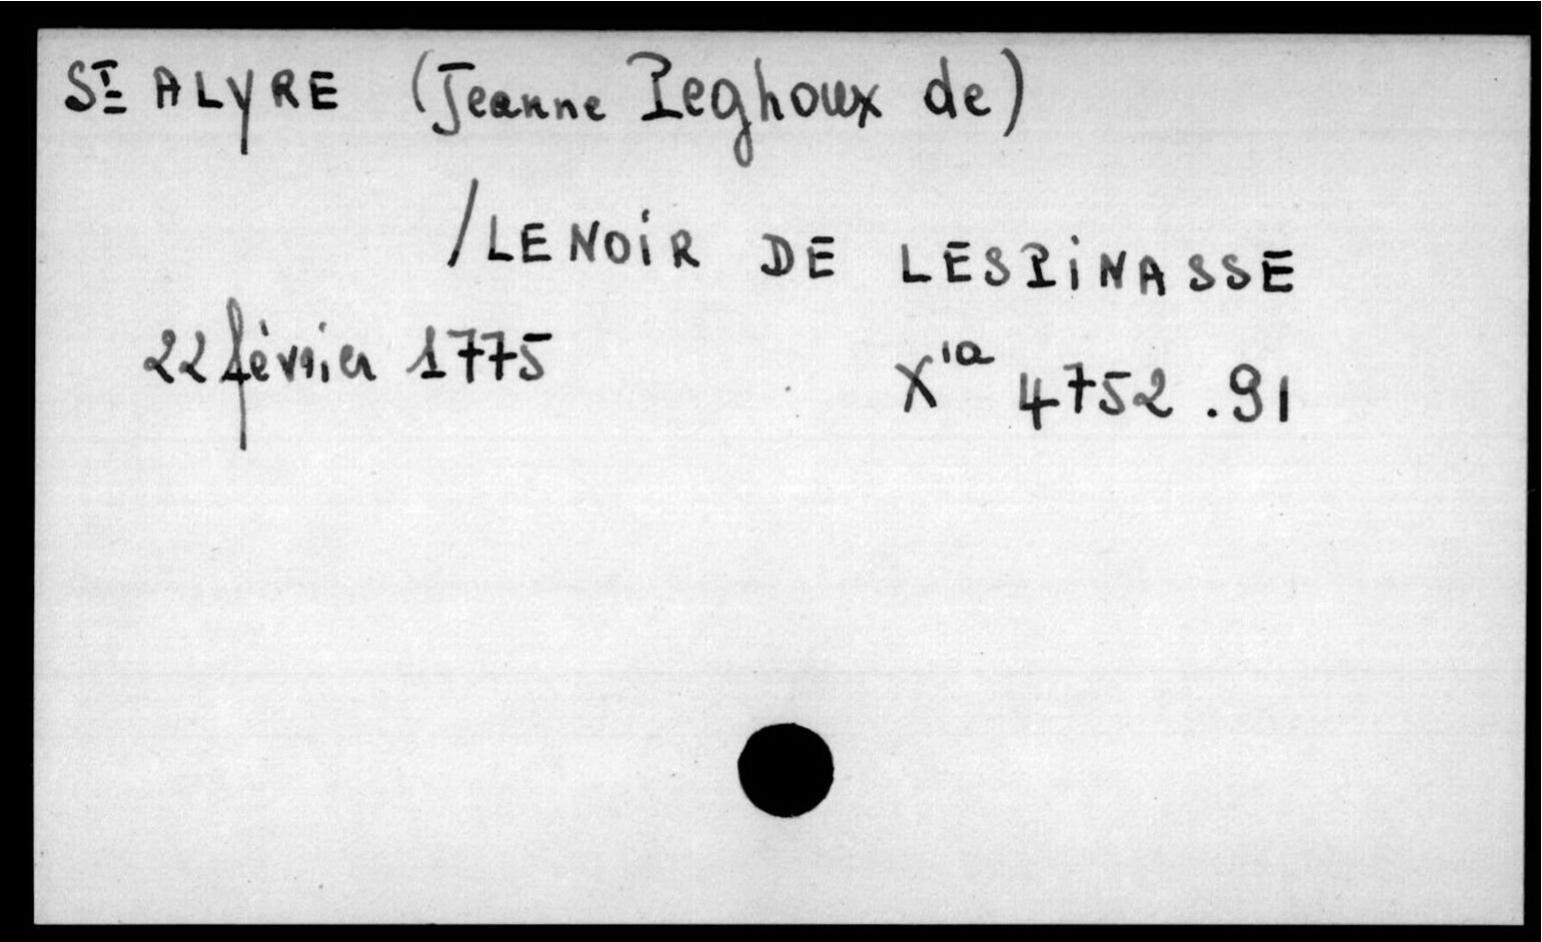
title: SAINT ALYRE (Jeanne Peghoux de)
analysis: Contre LENOIR DE LESPINASSE
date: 22 février 1775
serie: X1a
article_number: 4752
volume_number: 91
